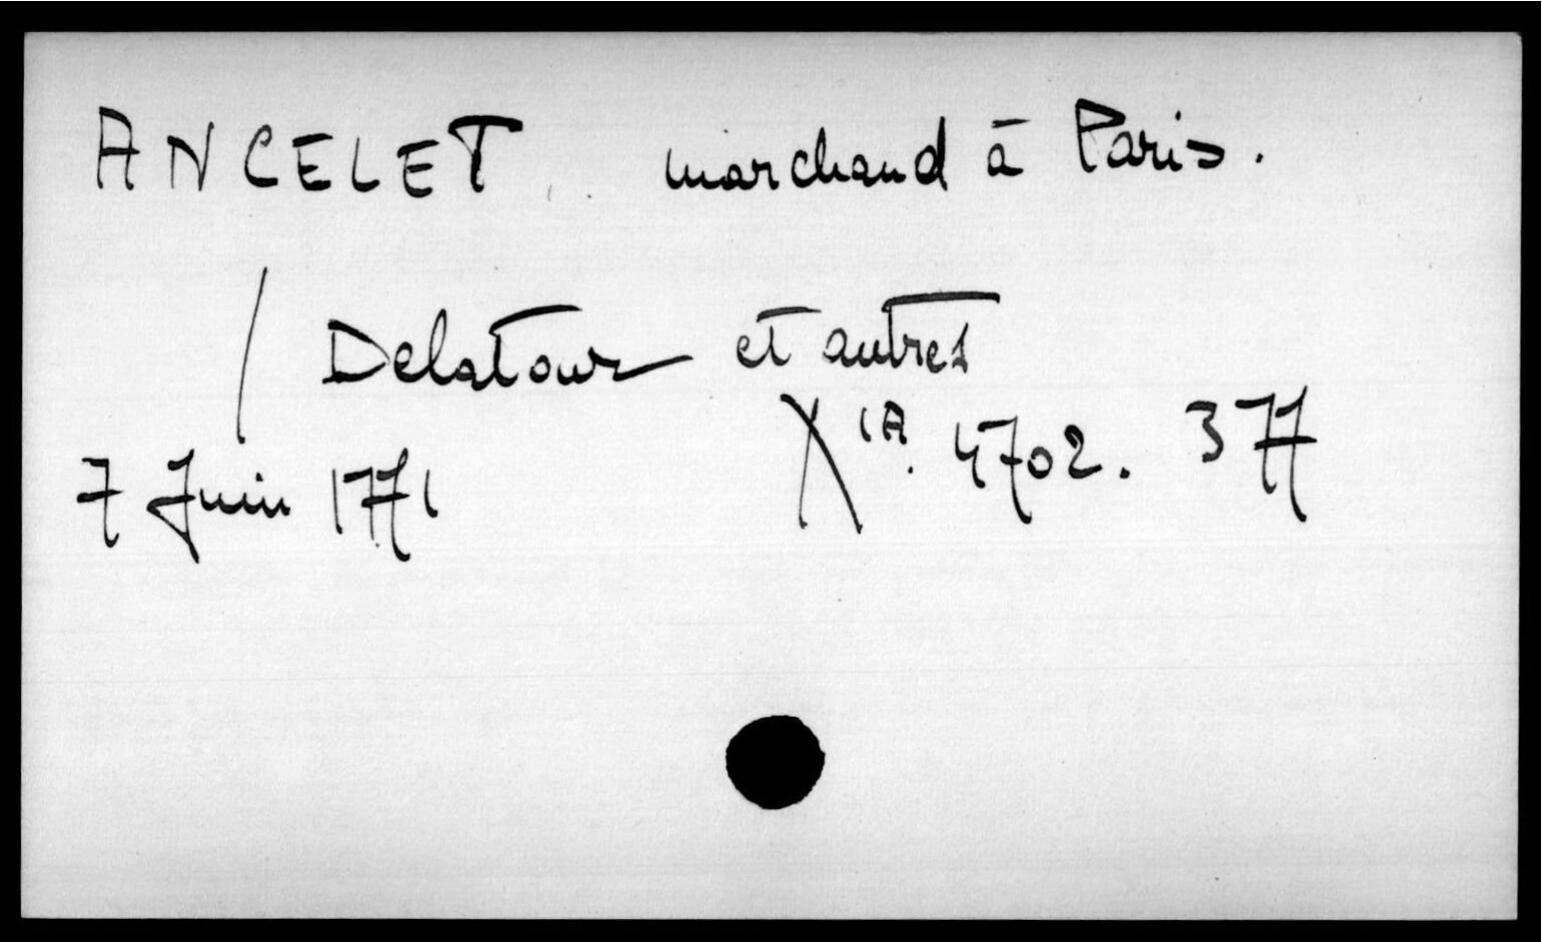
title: ANCELET marchand à Paris.
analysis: Contre Delatour et autres
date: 7 juin 1771
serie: X1A
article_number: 4702
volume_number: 377
